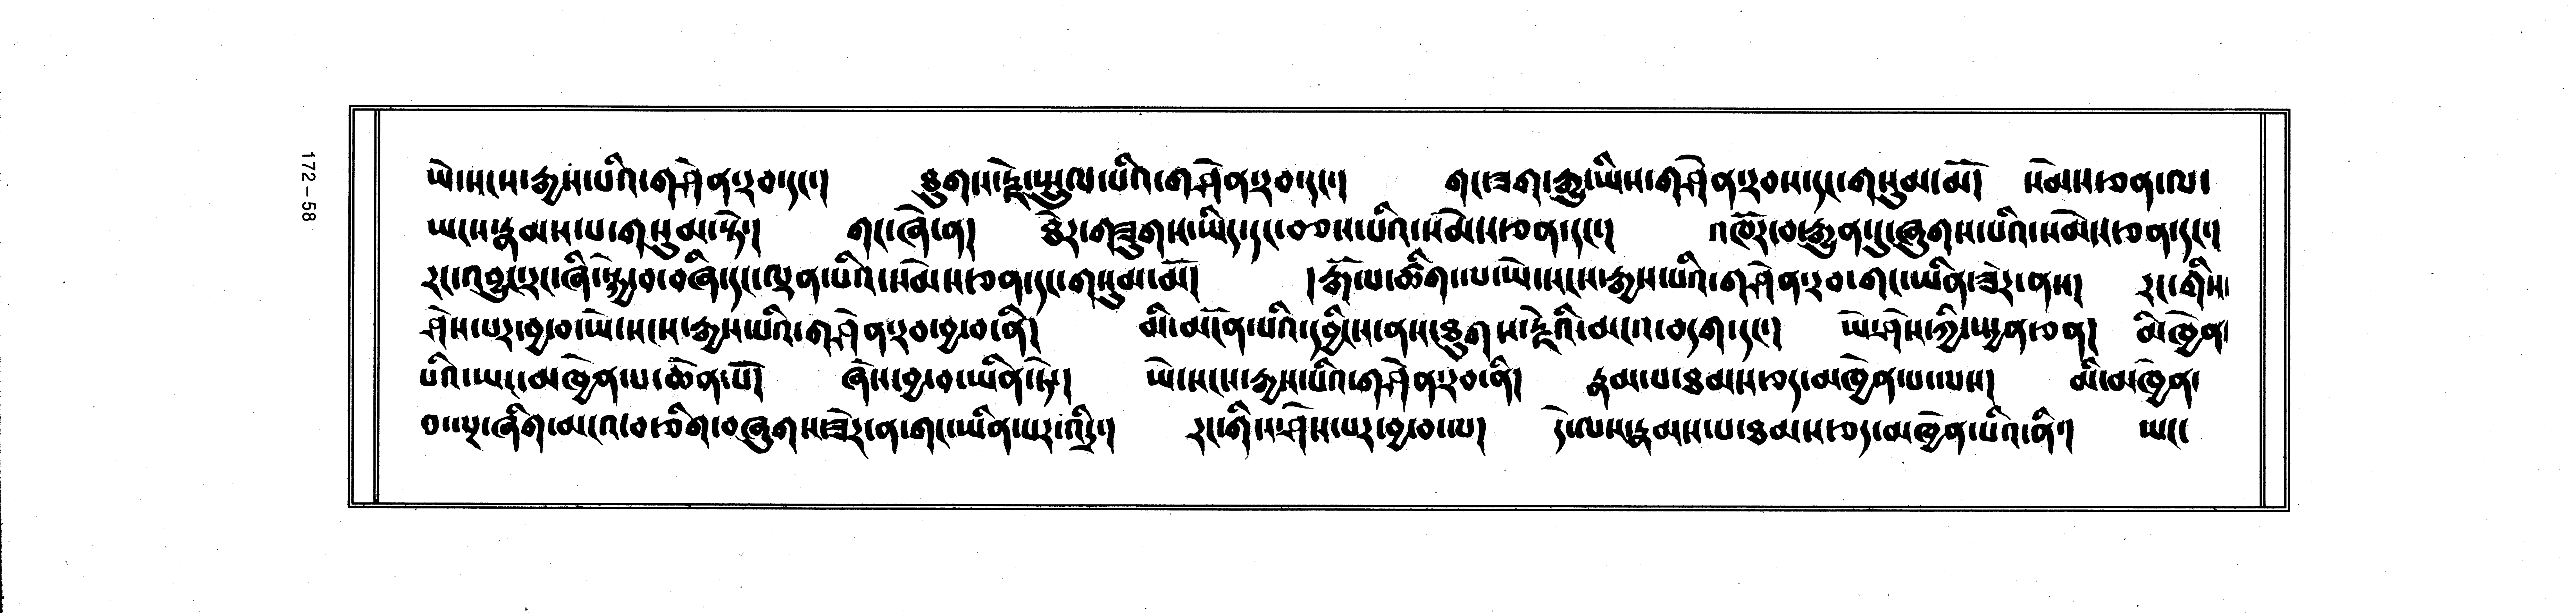ཡེ་སངས་རྒྱས་པའི་གཤེན་རབ་དང་། ཐུགས་རྗེ་སྤྲུལ་པའི་གཤེན་རབ་དང་། གང་ཟག་རྒྱུ་ཡིས་གཤེན་རབ་དང་གསུམ་མོ། སེམས་ཅན་ལ་
ཡངས་རྣམས་པ་གསུམ་སྟེ། གང་ཞེ་ན། ཐེར་གཟུགས་ཡིད་དང་བཅས་པའི་སེམས་ཅན་དང་། འཁོར་བ་རྒྱུན་དུ་ཞུགས་པའི་སེམས་ཅན་དང་། 
རང་འབྱུང་རང་ཞི་སྐྱེ་བ་བཞི་དང་ལྡན་པའི་སེམས་ཅན་དང་གསུམ་མོ། རྒོལ་ཚིག་ལ་ཡེ་སངས་རྒྱས་པའི་གཤེན་རབ་གང་ཡིན་ཟེར་ནས། རང་གིས་
ཤེས་པར་བྱ་བ་ཡེ་སངས་རྒྱས་པའི་གཤེན་རབ་བྱ་བ་ནི། མི་མངོན་པའི་དབྱིངས་ནས་ཐུགས་རྗེའི་མངའ་བདག་དང་། ཡེ་ཤེས་ཀྱི་སྤྱན་ཅན། མི་མཁྱེན་
པའི་ཡང་མཁྱེན་པ་ཆེན་པོ། ཞེས་བྱ་བ་ཡིན་ཏེ། ཡེ་སངས་རྒྱས་པའི་གཤེན་རབ་ནི། རྣམ་པ་ཐམས་ཅད་མཁྱེན་པ་ལས། མི་མཁྱེན་
བ་ལྔ་ཞིག་མངའ་བ་ཅིག་བཞུགས་ཟེར་ན་གང་ཡིན་པར་འདྲི། རང་གིས་ཤེས་པར་བྱ་བ་ལ། དེ་ལས་རྣམས་པ་ཐམས་ཅད་མཁྱེན་པའི་ནི། ཡང་དག་པའི་དོན་ལས་